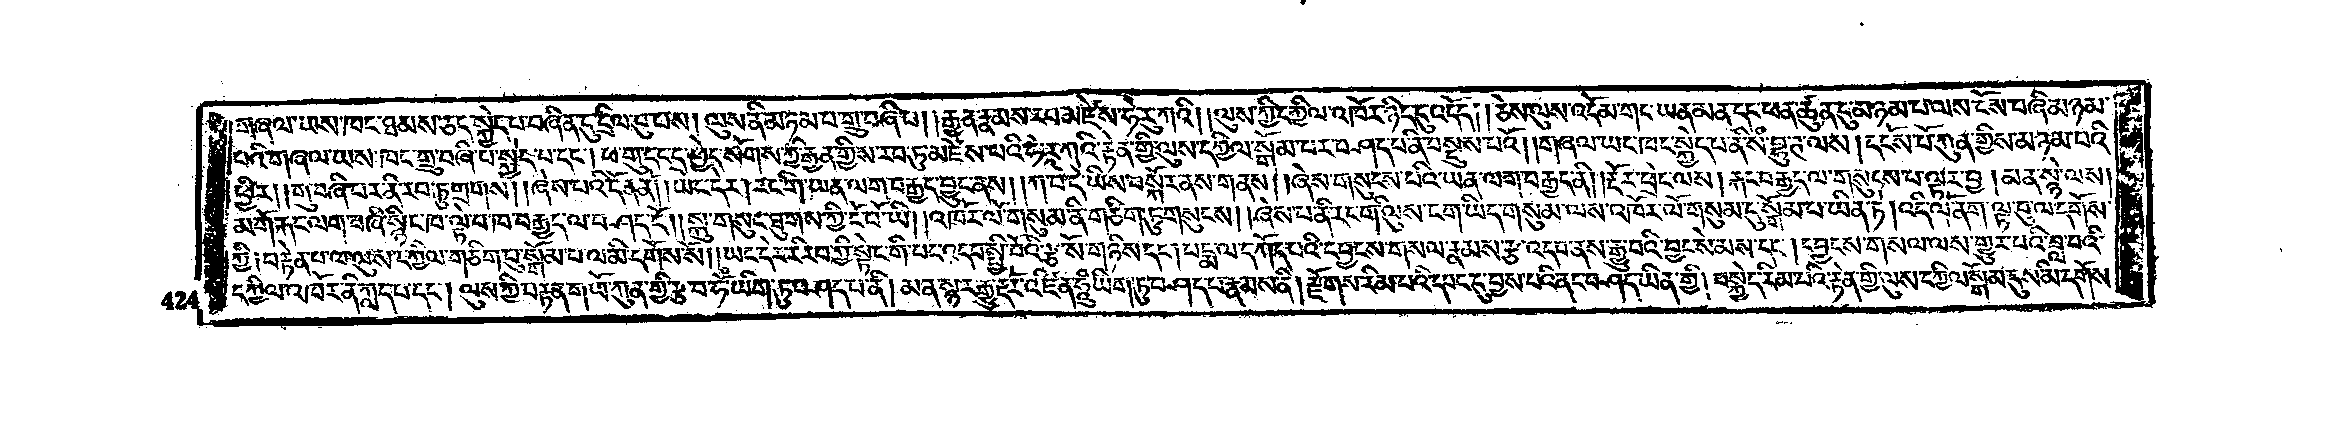གཞལ་ཡས་ཁང་ཐམས་ཅད་སྐྱེད་པ་བཞིན་དུ་དྲིལ་བུ་པས། ལུས་ནི་མཉམ་པ་གྲུ་བཞི་པ། །རྒྱན་རྣམས་རབ་མཛེས་ཧེ་རུ་ཀའི། །ལུས་ཀྱི་དཀྱིལ་འཁོར་ཉིད་དུ་འདོད། །ཅེས་ལུས་འདོམ་གང་ཡན་མན་དང་ཕན་ཚུན་དུ་མཉམ་པ་ལས་ངོས་བཞི་མཉམ་
པའི་གཞལ་ཡས་ཁང་གྲུ་བཞི་པ་སྐྱེད་པ་དང་། ཕ་གུ་དང་དྲ་ཕྱེད་སོགས་ཀྱི་རྒྱན་གྱིས་རབ་ཏུ་མཛེས་པའི་ཧེ་རུ་ཀའི་རྟེན་གྱི་ལུས་དཀྱིལ་སྒོམ་པར་བཤད་པ་ནི་བསྡུས་པའོ། །གཞལ་ཡས་ཁང་སྐྱེད་པ་ནི་སཾ་བྷུ་ཊ་ལས། དངོས་པོ་ཀུན་གྱིས་མཉམ་པའི་
ཕྱིར། །གུ་བཞི་པར་ནི་རབ་ཏུ་གྲགས། །ཞེས་པའི་དོན་ནོ། །ཡང་དེར། རང་གི་ཡན་ལག་བརྒྱད་བྱུང་ནས། །ཀ་བོ་དེ་ཡིས་བསྐོར་ནས་གནས། །ཞེས་གསུངས་པའི་ཡན་ལག་བརྒྱད་ནི། །རྡོར་ཕྲེང་ལས། རྐང་བརྒྱད་ལ་གསུངས་པ་ལྟར་བྱ། མན་སྙེ་ལས།
མགོ་རྐང་ལག་བཞི་སྙིང་ཁ་ལྟེ་བ་ཁ་བརྒྱད་ལ་བཤད་དོ། །སྐུ་གསུང་ཐུགས་ཀྱི་ངོ་བོ་ཡི། །འཁོར་ལོ་གསུམ་ནི་གཅིག་ཏུ་གསུངས། །ཞེས་པ་ནི་རང་གི་ལུས་ངག་ཡིད་གསུམ་ལས་འཁོར་ལོ་གསུམ་དུ་སྒོམ་པ་ཡིན་ཏེ། འདི་ལོ་ནག་ལྟ་བུ་ལ་དགོས་
ཀྱི། བརྟེན་པ་ལ་ལུས་དཀྱིལ་གཅིག་པུ་སྒོམ་པ་ལ་མི་དགོས་སོ། །ཡང་དེར་རི་རབ་ཀྱི་སྟེང་གི་པད་འདབ་སྤྱི་བོའི་རྩ་སོ་གཉིས་དང་། པདམ་ལ་བཀོད་པའི་དབྱངས་གསལ་རྣམས་རྩ་འདབ་ནས་རྒྱུ་བའི་བྱང་སེམས་དང་། དབྱངས་གསལ་ལས་གྱུར་པའི་ཟླ་བའི་
དཀྱིལ་འཁོར་ནི་ཀླད་པ་དང་། ལུས་ཀྱི་བརྟན་གཡོ་ཀུན་གྱི་རྩ་བ་ཧོཾ་ཡིག་ཏུ་བཤད་པ་ནི། མན་སྙེར་རྒྱུ་རྡོར་འཛིན་ཧཱུཾ་ཡིག་ཏུ་བཤད་པ་རྣམས་ནི། རྫོགས་རིམ་པའི་དབང་དུ་བྱས་པའི་ནང་བཤད་ཡིན་གྱི། བསྐྱེད་རིམ་པའི་རྟེན་གྱི་ལུས་དཀྱིལ་སྒོམ་དུས་མི་དགོས་